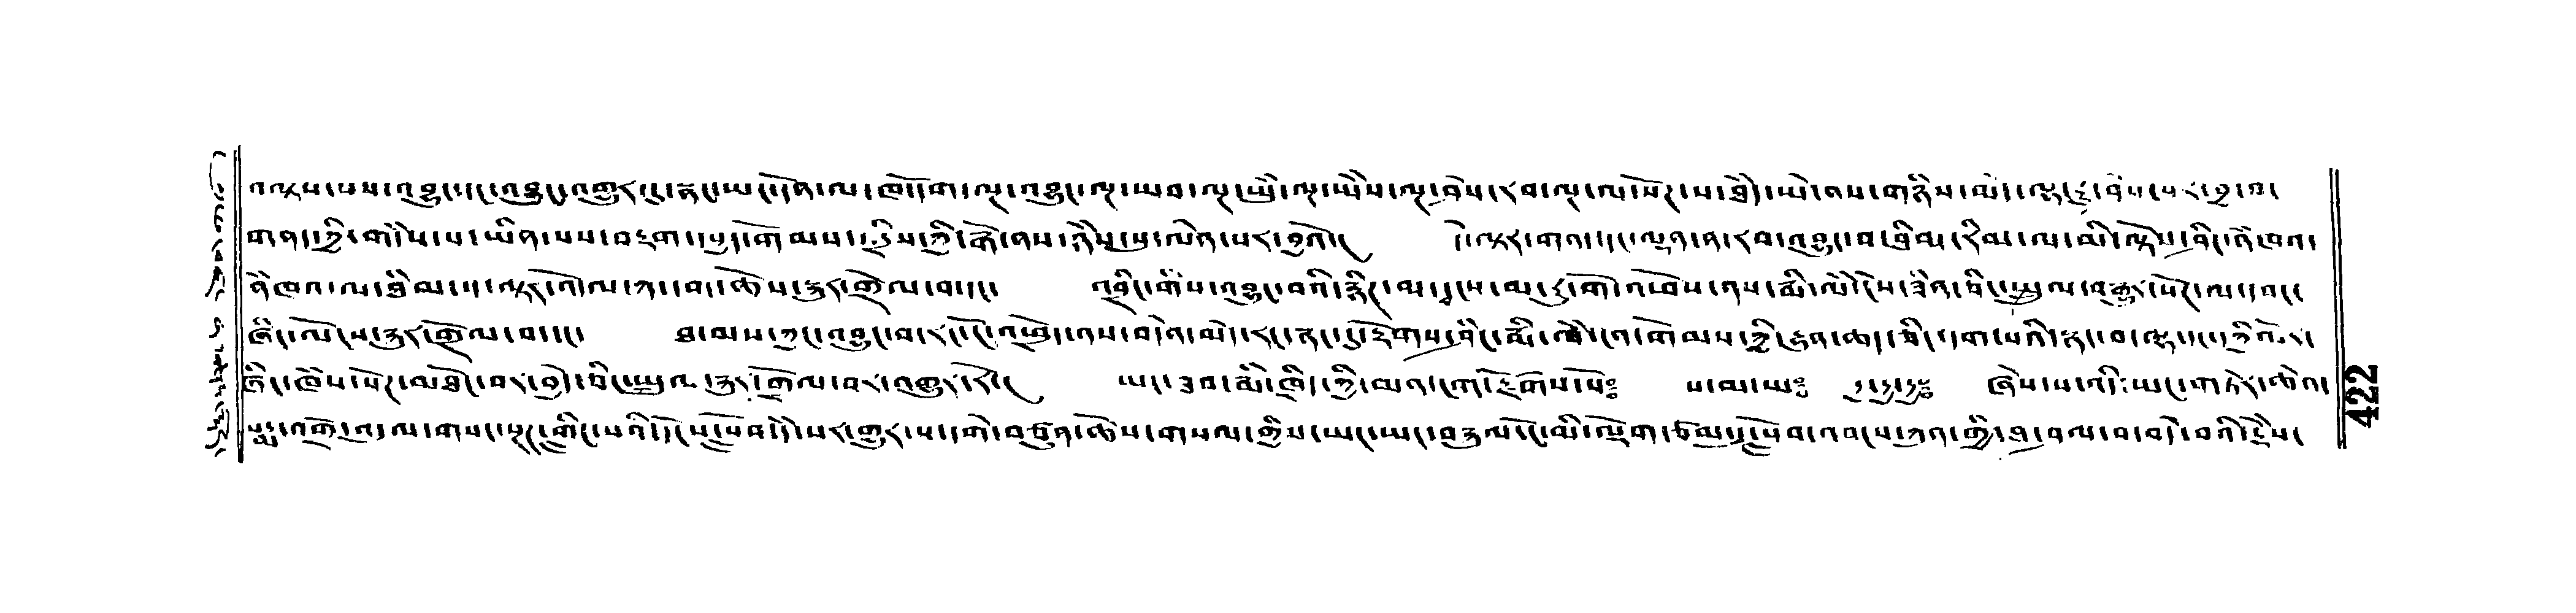བལྟས་པས་འབྱུང་དང་འབྱུང་འགྱུར་དུ་སྣང་ཡང་དོན་ལ་ཁ་དོག་ལྔ་འབྱུང་ལྔ་ཡབ་ལྔ་ཡུམ་ལྔ་ཡེ་ཤེས་ལྔ་ཤེས་རབ་ལ་སོགས་པ་ཐམས་ཅད་ཡེ་ནས་གཉིས་མེད་ལྷ་རུ་ཤེས་པར་བྱ་བ་
གནད་ཀྱི་གདམས་པ་ཡིན་པས་བརྟག་དཔྱད་གོམས་འདྲིས་ཀྱི་སྒོ་ནས་ཉམས་སུ་ལེན་པར་བྱའོ། དེ་ལྟར་གནད་དང་ལྡན་ན་རབ་འབྱུང་བ་ཐིམ་རིམ་ལ་མི་ལྟོས་ཤིང་ནམ་མཁའ་
ནམ་མཁའ་ལ་ཐིམ་པ་ལྟར་འོད་གསལ་ཀ་དག་ཆོས་སྐུར་གྲོལ་བ་དང་།འབྲིང་གིས་འབྱུང་བའི་སྙིགས་མ་དྭངས་མ་རུ་གོ་འཕོས་ནས་རྨི་ལམ་ངོས་ཟིན་ཅིང་སྤྲུལ་བསྒྱུར་སོགས་ལ་དབང་
ཞིང་ལོངས་སྐུར་གྲོལ་བ་དང་། ཐ་མས་ཀྱང་འབྱུང་བ་རང་ངོ་འཕྲོད་ནས་བདེན་མེད་རང་སྣང་དུ་རྟོགས་ཞིང་རྨི་ལམ་ངན་གོམས་ཀྱི་རྒྱུན་ཆད་ཅིང་དག་པའི་སྣང་བ་ལྷ་དང་དཀྱིལ་འཁོར་
ཞིང་ཁམས་སོགས་མཐོང་བར་བྱེད་ཅིང་སྤྲུལ་སྐུར་གྲོལ་བར་འགྱུར་རོ། ཡང་ཟབ་རྨི་ཁྲིད་ཀྱི་མན་ངག་རྫོགས་སོ། ས་མ་ཡ། རྒྱ་རྒྱ་རྒྱ། ཞེས་པ་འདི་ཡང་གཏེར་ཆེན་
པདྨ་འགྲོ་འདུལ་གསང་སྔགས་གླིང་པའི་དངོས་སློབ་དམ་པར་གྱུར་པ་དགེ་བཙུན་ཆོས་གསལ་གྱིས་ཡང་ཡང་བསྐུལ་ངོ་མི་ལྡོག་ཙམ་དུ་སློབ་འབངས་ཀུན་གྱི་ཐ་ཤལ་བ་བདེ་བའི་རྡོ་རྗེས་